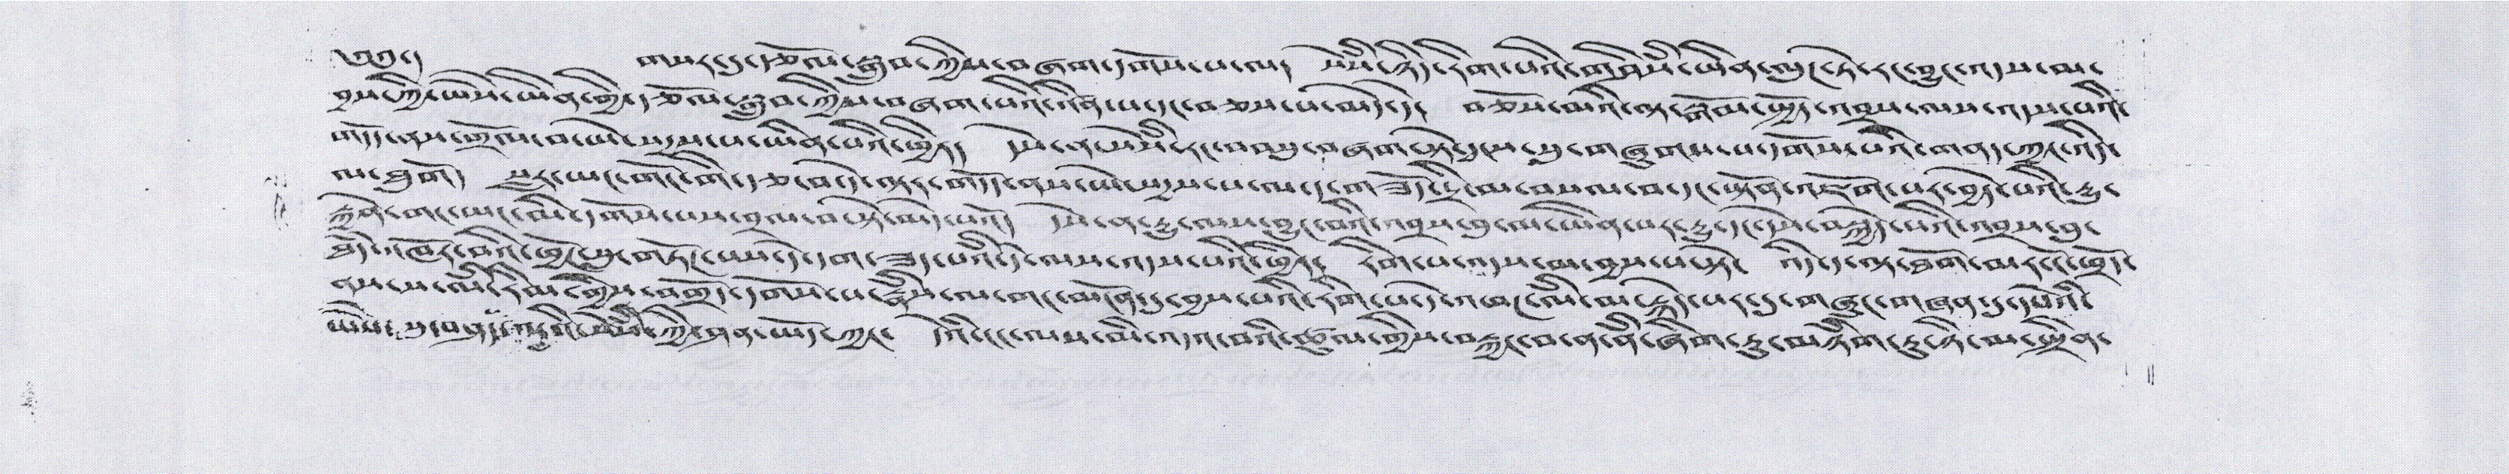གསར་དུ་རྩོལ་སྒྲུབ་ཀྱིས་བཞག་དགོས་པ་ལ། སེམས་ཉིད་རིག་པའི་གཤིས་སམ་ཡིན་ལུགས་ཏེ་རང་བྱུང་འདུས་མ་
བྱས་ཀྱི་ཡེ་ཤེས་ཡིན་གྱི་རྩོལ་སྒྲུབ་ཀྱིས་བཞག་པའི་འཛིོན་པ་དང་བཅས་པ་མེད་དེ། བཅོས་མའི་ལྟ་སྒོམ་སྤྱོད་འབྲས་ལས་འདས་པའི་
གདོད་ནས་གྲོལ་བ་ཡེ་སངས་རྒྱས་པ་ཡིན་པའི་ཕྱིར། དེས་ན་སེམས་རང་བབས་སུ་བཞག་སྟེ་དྭངས་སུ་གཞུག་པ་དགོངས་པའི་གནད་ཀྱང་འདི་
ལ་ཐུག་གོ སླར་ཡང་གོང་གི་རྩ་བ་དེ་ལྟར་གདོད་ནས་ཡེ་སངས་རྒྱས་པ་ལ་ད་གཟོད་དྲི་མ་བསལ་བ་དང་ཡོན་ཏན་འཇོག་པར་བྱེད་པའི་རྒྱུ་
རྐྱེན་གང་ཡང་མི་དགོས་པས་བྲལ་བ་སྟེ་མེད་པའོ། དེས་ན་རྒྱུ་ལས་བྱུང་བའི་འབྲས་བུ་མ་ཡིན་པར་རྒྱུ་དང་དེས་བསྐྱེད་པའི་འབྲས་བུ་
ཐམས་ཅད་འཁོར་བའི་ཕྱོགས་སུ་གཏོགས་པས་དེ་དག་ཟད་པའམ་དེ་ལས་འདས་པའི་ཕྱིར། རིག་པ་འདུས་མ་བྱས་པ་སྟེ། འདི་ད་ལྟ་ཐོག་མར་ངོ་སྤྲོད་
ནས་ས་ལམ་རིམ་གྱིས་བགྲོད་དགོས་པ་རྣམས་ལ་གང་མངོན་དུ་བྱས་པའི་རིག་པ་དེ་འཕགས་ལམ་མ་རྙེད་བར་དུ་གཞུང་གཞན་དུ་དཔེའི་
ཡེ་ཤེས་སུ་བཤད་པ་ལྟ་བུའི་སེམས་ཀྱི་ཤན་ཡོད་ཀྱང་། དེའི་ངང་ལས་མི་འདའ་བའི་ཚུལ་གྱིས་བསྐྱང་བ་ན་ནམ་ཞིག་ཏུ་མཉམ་གཞག་ཏུ་ཉི་མ་སྤྲིན་